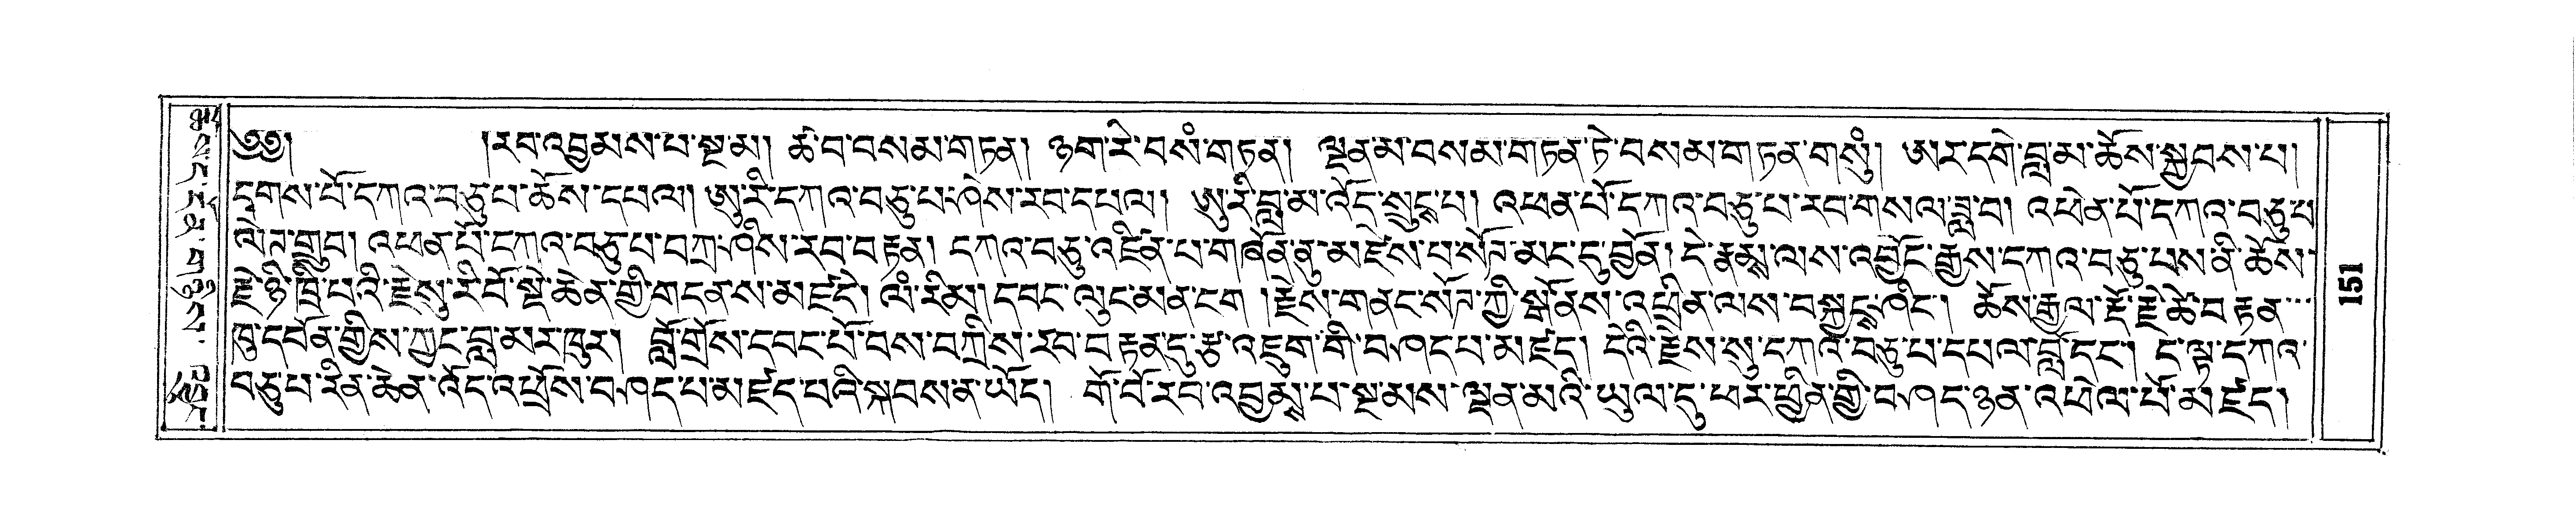༄༅། །རབ་འབྱམས་པ་སྔ་མ། ཚ་བ་བསམ་གཏན། ཉག་རི་བསཾ་གཏན། ལྡན་མ་བསམ་གཏན་ཏེ་བསམ་གཏན་གསུཾ། ཨར་དགེ་བླ་མ་ཆོས་སྐྱབས་པ།
དྭགས་པོ་དཀའ་བཅུ་པ་ཆོས་དཔལ། ཨུ་རི་དཀའ་བཅུ་པ་ཤེས་རབ་དཔལ། ཨུ་རི་བླ་མ་འོད་སྲུངས་པ། འཕན་པོ་དཀའ་བཅུ་པ་རབ་གསལ་ཟླ་བ། འཕེན་པོ་དཀའ་བཅུ་པ་
ལེཌ་གྲུབ། འཕན་པོ་དཀའ་བཅུ་པ་བཀྲ་ཤིས་རབ་བརྟན། དཀའ་བཅུ་འཛིན་པ་གཞོན་ནུ་མཛེས་པ་སོཌ་མང་དུ་བྱོན། དེ་རྣམས་ལས་འབྱོང་རྒྱས་དཀའ་བཅུ་པས་ནི་ཆོས་
རྗེ་ཉི་ཁྲི་པའི་རྗེསུ་རི་བོ་སྡེ་ཆེན་གྱི་གདན་ས་མཛེད། ལཾ་རིམ། དབང་ལུང་མན་ངག །རྗེས་གནང་སོཌ་ཀྱི་སྒོ་ནས་འཕྲིན་ལས་བསྐྱངས་ཤིང་། ཆོས་རྒྱལ་རྡོ་རྗེ་ཚེ་བརྟན་
ཁུ་དབོན་གྱིས་ཀྱང་བླ་མར་ཁུར། བློ་གྲོས་དབང་པོ་བས་བཀྲིས་རབ་བརྟན་དུ་རྩ་འཇུག་གི་བཤད་པ་མཛད། དེའི་རྗེས་སུ་དཀའ་བཅུ་པ་དཔལ་བློ་དང་། ད་ལྟ་དཀའ་
བཅུ་པ་རིན་ཆེན་འོད་འཕྲོས་བཤད་པ་མཛད་པའི་སྐབས་ན་ཡོད། གོ་བོ་རབ་འབྱམས་པ་སྔ་མས་ལྡན་མའི་ཡུལ་དུ་ཕར་ཕྱིན་གྱི་བཤད་ཉན་འཕེལ་པོ་མཛད།